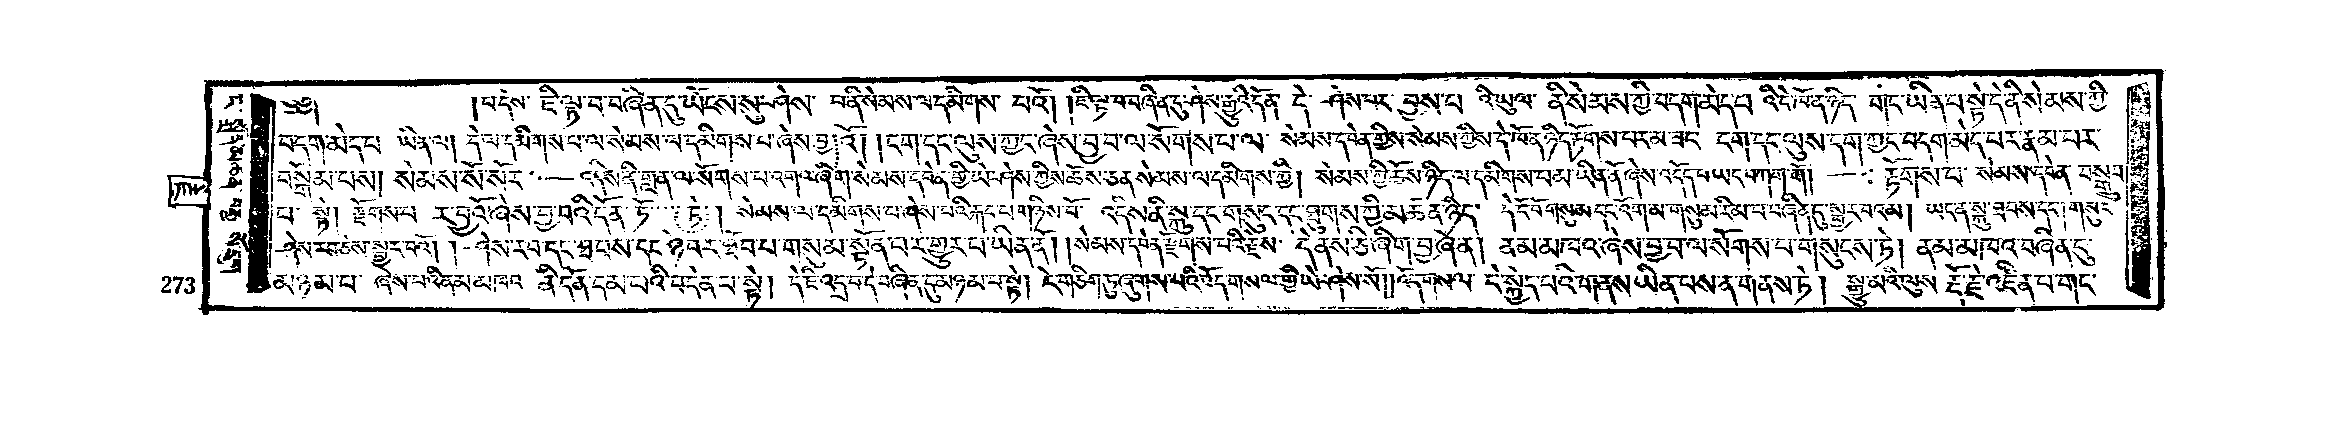༄༅། ། པ་དེས་ཇི་ལྟ་བ་བཞིན་དུ་ཡོངས་སུ་ཤེས་པ་ནི་སེམས་ལ་དམིགས་པའོ། ། ཇི་ལྟ་བ་བཞིན་དུ་ཤེས་རྒྱུའི་དོན་དེ་ཤེས་པར་བྱས་པའི་ཡུལ་ནི་སེམས་ཀྱི་བདག་མེད་པའི་དེ་ཁོ་ན་ཉིད་གང་ཡིན་པ་སྟེ་དེ་ནི་སེམས་ཀྱི་
བདག་མེད་པ་ཡིན་ལ། དེ་ལ་དམིགས་པ་ལ་སེམས་ལ་དམིགས་པ་ཞེས་བྱའོ།  །ངག་དང་ལུས་ཀྱང་ཞེས་བྱ་བ་ལ་སོགས་པ་ལ་སེམས་དབེན་གྱིས་སེམས་ཀྱིས་དེ་ཁོ་ན་ཉིད་རྟོགས་པར་མ་ཟད་ངག་དང་ལུས་དག་ཀྱང་བདག་མེད་པར་རྣམ་པར་
བསྒོམ་པས། སེམས་སོ་སོརཿ་འདིས་ནི་གླན་ལ་སོགས་པ་འགའ་ཞིག་སེམས་དབེན་གྱི་ཡེ་ཤེས་ཀྱིས་ཆོས་ཅན་སེམས་ལ་དམིགས་ཀྱི། སེམས་ཀྱི་ཆོས་ཉིད་ལ་དམིགས་པ་མ་ཡིན་ནོ་ཞེས་འདོད་པ་ཡང་བཀག་གོ་།.Hརྟོགས་པ་སེམས་དབེན་བསྒྲུབ་
པ་སྟེ། རྫོགས་པར་བྱའོ་ཞེས་བྱ་བའི་དོན་ཏོ་ཏེ། སེམས་ལ་དམིགས་པ་ཞེས་པའི་རྐང་པ་གཉིས་པོ་འདིས་ནི་སྐུ་དང་གསུང་དང་ཐུགས་ཀྱི་མཚན་ཉིད་དེ་ངོ་བོ་གསུམ་དང་འོག་མ་གསུམ་རིམ་པ་བཞིན་དུ་སྦྱར་བའམ། ཡང་ན་སྐུ་ཐབས་དང་། གསུང་
ཤེས་རབ་ཅེས་སྦྱར་བའོ། །ཤེས་རབ་དང་ཐབས་དང་ཉེ་བར་ཐོབ་པ་གསུམ་སྟོན་པར་གྱུར་པ་ཡིན་ནོ། ། སེམས་དབེན་རྫོགས་པའི་རྗེས་དེ་ནས་ཅི་ཞིག་བྱ་ཞེ་ན། ནམ་མཁའ་ཞེས་བྱ་བ་ལ་སོགས་པ་གསུངས་ཏེ། ནམ་མཁའ་བཞིན་དུ་
མཉམ་པ་ཞེས་པའི་ནམ་མཁའ་ནི་དོན་དམ་པའི་བདེན་པ་སྟེ། དེ་ཇི་འདྲ་བ་དེ་བཞིན་དུ་མཉམ་པ་སྟེ། རེ་གཅིག་ཏུ་ཞུགས་པའི་འོད་གསལ་གྱི་ཡེ་ཤེས་སོ། །འོད་གསལ་དེ་སྐྱེད་པའི་གནས་ཡིན་པས་ན་གནས་ཏེ། སྒྱུ་མའི་ལུས་རྡོ་རྗེ་འཛིན་པ་གང་